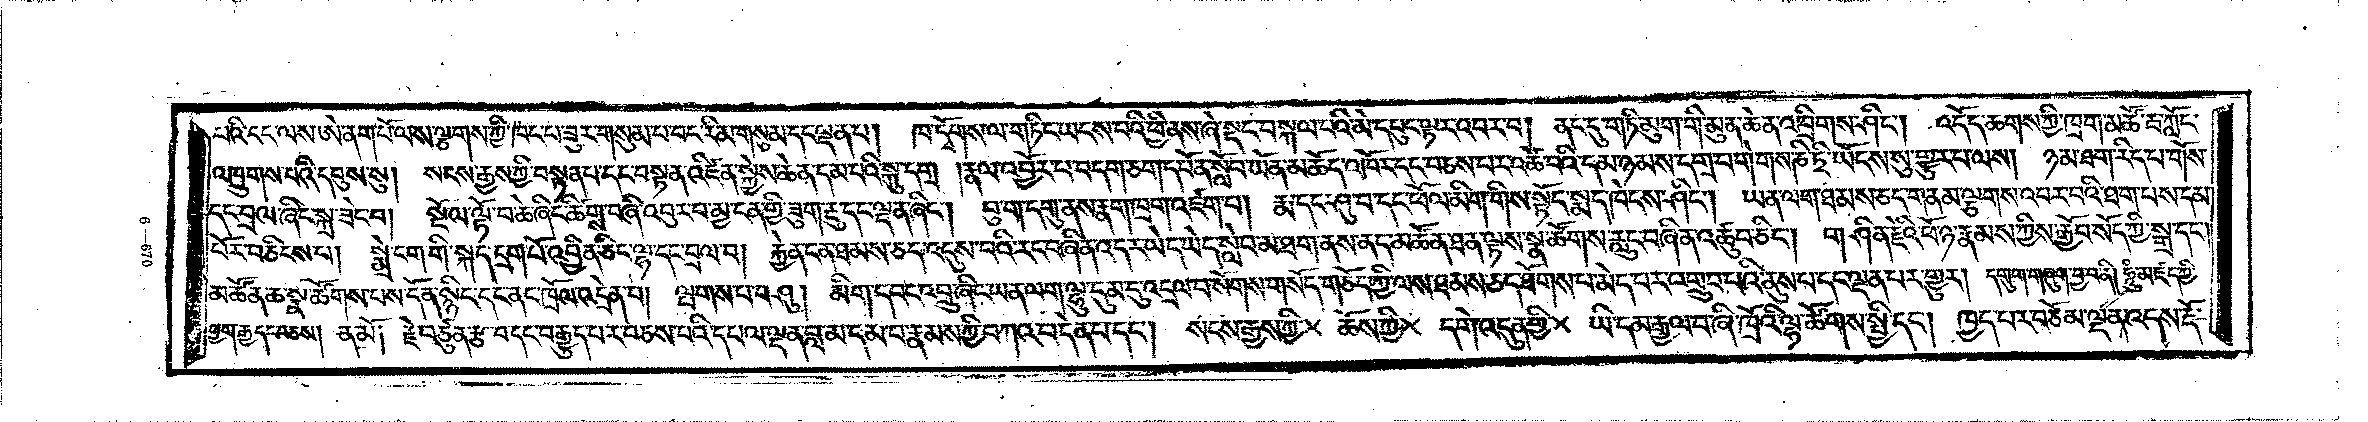པའི་ངང་ལས་ཨེ་ནག་པོ་ལས་ལྕགས་ཀྱི་ཁང་པ་ཟུར་གསུམ་པ་བང་རིམ་གསུམ་དང་དན་པ། ཁ་དྭོགས་ལ་གཏིང་ཡངས་པའི་ཕྱི་ནས་ཞེ་སྡང་བསྐལ་བའི་མེ་དཔུང་ལྟར་འབར།། ནང་དུ་གཏི་མུག་གི་མུན་ཆེན་འཁྲིགས་ཤིང་། འདོད་ཆག་ཀྱི་ཁྲག་མཚོ་རྦ་ཀློང་
འཁྲུགས་པའི་དབུས་སུ། སངས་རྒྱས་ཀྱི་བསྟན་པ་དང་བསྟན་འཛིན་སྐྱེས་ཆེན་དམ་པའི་སྐུ་དགྲ། །རྣལ་འབྱོར་པ་བདག་ཅག་དཔོན་སློབ་ཡོན་མཆོད་འཁོར་དང་བཅས་པར་འཚོ་བའི་དམ་ཉམས་དགྲ་བགེགས་ཎི་ཏྲི་ཡོངས་སུ་གྱུར་པ་ལས། ཉམ་ཐག་རིད་པ་གོས་
དང་བྲལ་ཞིང་སྐྲ་ཟེང་བ། སྔོ་ལ་ལྟེ་བ་ཆེ་ཞིང་འབུར་བ་མྱ་ཉན་གྱི་ཟུགར་ངུ་དང་ལྡ་ཞིང་། བུ་ག་དགུ་ནས་རྣག་ཁྲག་འཛག་བ། རྨ་དང་ཤུ་བ་དག་ཕོལ་མིག་གིས་སྟོང་སྨད་ཁེངས་ཤིང་། ཡན་ལ་ཐམས་ཅད་གནམ་ལྕགས་འབར་བའི་ཐག་པས་དམ་
པོར་བཅིངས་པ། སྨྲེ་ངག་གི་སྐད་དྲག་པོ་འབྱིན་ཅིང་ལྷ་དང་བྲལ་བ། རྐྱེན་ངན་ཐམས་ཅད་འདུས་པའི་རང་བཞིན་འདར་ཡེད་ཡེད་སླེབ་མ་ཐག་ནས་ནད་མཚོན་ཐན་ལྟས་སྣ་ཚོགས་རླུང་བཞིན་འཚུབ་ཅིང་། གཤིན་རྗེའི་ཕོ་ཉ་རྣམས་ཀྱིས་རྒྱོབ་སོད་ཀྱི་སྒྲ་དང་
མཚོན་ཆ་སྣ་ཚོགས་པས་དོན་སྙིང་དང་ནང་ཁྲོལ་འདྲེན་པ། ཝགས་པ་བཤུ། མིག་དབང་འབྲུ་ཞིང་ཡན་ལག་ལྷུ་དུམ་དུ་འབྲལ་བ་སོགས་གསོད་གཅོད་ཀྱི་ལས་ཐམས་ཅད་ཐོགས་པ་མེད་པར་འགྲུབ་པའི་ནུས་པ་དང་ལྡན་པར་གྱུར། དགུག་གཞུག་བྱ་བ་ནི། ཧཱུཾ་མཛད་ཀྱི་
ཕྱག་རྒྱ་དང་བཅས། ན་མོ༑ རྗེ་བཙུན་རྩ་བ་དང་བརྒྱུད་པར་བཅས་པའི་དཔལ་ལྡན་བླ་མ་དམ་པ་རྣམས་ཀྱི་བཀའ་བདེན་པ་དང་། སངས་རྒྱས་ཀྱི་྾་ཆོས་ཀྱི྾་དགེ་འདུན་གྱི་྾་ཡི་དམ་རྒྱལ་བ་ཞི་ཁྲོའི་ལྷ་ཚོགས་སྤྱི་དང་། ཁྱད་པར་བཅོམ་ལྡན་འདས་རྡོ་